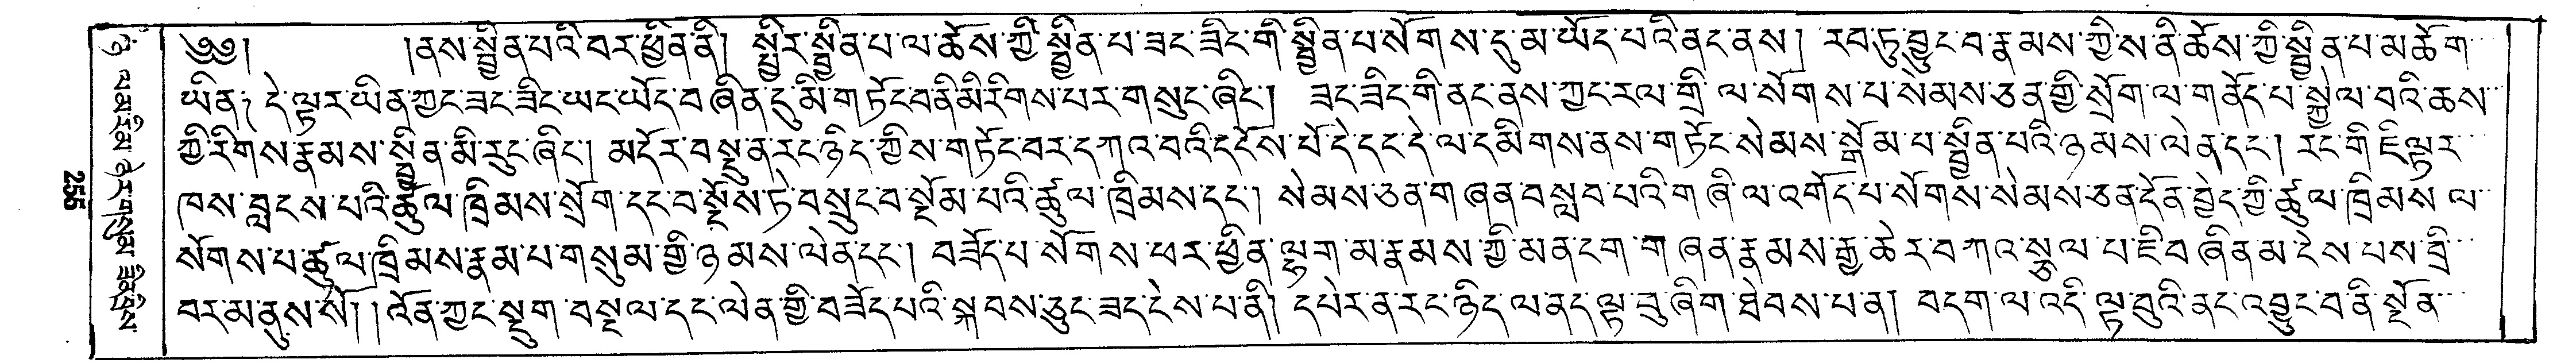༄༅། །ནས་སྦྱིན་པའི་ཕར་ཕྱིན་ནི། སྤྱིར་སྦྱིན་པ་ལ་ཆོས་ཀྱི་སྦྱིན་པ་ཟང་ཟིང་གི་སྦྱིན་པ་སོགས་དུ་མ་ཡོད་པའི་ནང་ནས། རབ་ཏུ་བྱུང་བ་རྣམས་ཀྱིས་ནི་ཆོས་ཀྱི་སྦྱིན་པ་མཆོག་
ཡིན༑ དེ་ལྟར་ཡིན་ཀྱང་ཟང་ཟིང་ཡང་ཡོད་བཞིན་དུ་མི་གཏོང་བ་ནི་མི་རིགས་པར་གསུང་ཞིང་། ཟང་ཟིང་གི་ནང་ནས་ཀྱང་རལ་གྲི་ལ་སོགས་པ་སེམས་ཅན་གྱི་སྲོག་ལ་གནོད་པ་སྐྱེལ་བའི་ཆས་
ཀྱི་རིགས་རྣམས་སྦྱིན་མི་རུང་ཞིང་། མདོར་བསྡུ་ན་རང་ཉིད་ཀྱིས་གཏོང་བར་དཀའ་བའི་དངོས་པོ་དེ་དང་དེ་ལ་དམིགས་ནས་གཏོང་སེམས་སྒོམ་པ་སྦྱིན་པའི་ཉམས་ལེན་དང་། རང་གི་ཇི་ལྟར་
ཁས་བླངས་པའི་ཚུལ་ཁྲིམས་སྲོག་དང་བསྔོས་ཏེ་བསྲུང་བ་སྡོམ་པའི་ཚུལ་ཁྲིམས་དང་། སེམས་ཅན་གཞན་བསླབ་པའི་གཞི་ལ་འགོད་པ་སོགས་སེམས་ཅན་དོན་བྱེད་ཀྱི་ཚུལ་ཁྲིམས་ལ་
སོགས་པ་ཚུལ་ཁྲིམས་རྣམ་པ་གསུམ་གྱི་ཉམས་ལེན་དང་། བཟོད་པ་སོགས་ཕར་ཕྱིན་ལྷག་མ་རྣམས་ཀྱི་མན་ངག་གཞན་རྣམས་རྒྱ་ཆེར་བཀའ་སྩལ་པ་ཇི་བཞིན་མ་ངེས་པས་བྲི་
བར་མ་ནུས་སོ། །འོན་ཀྱང་སྡུག་བསྔལ་དང་ལེན་ཀྱི་བཟོད་པའི་སྐབས་ཅུང་ཟད་ངེས་པ་ནི། དཔེར་ན་རང་ཉིད་ལ་ནད་ལྟ་བུ་ཞིག་ཐེབས་པ་ན། བདག་ལ་འདི་ལྟ་བུའི་ནད་འབྱུང་བ་ནི་སྔོན་